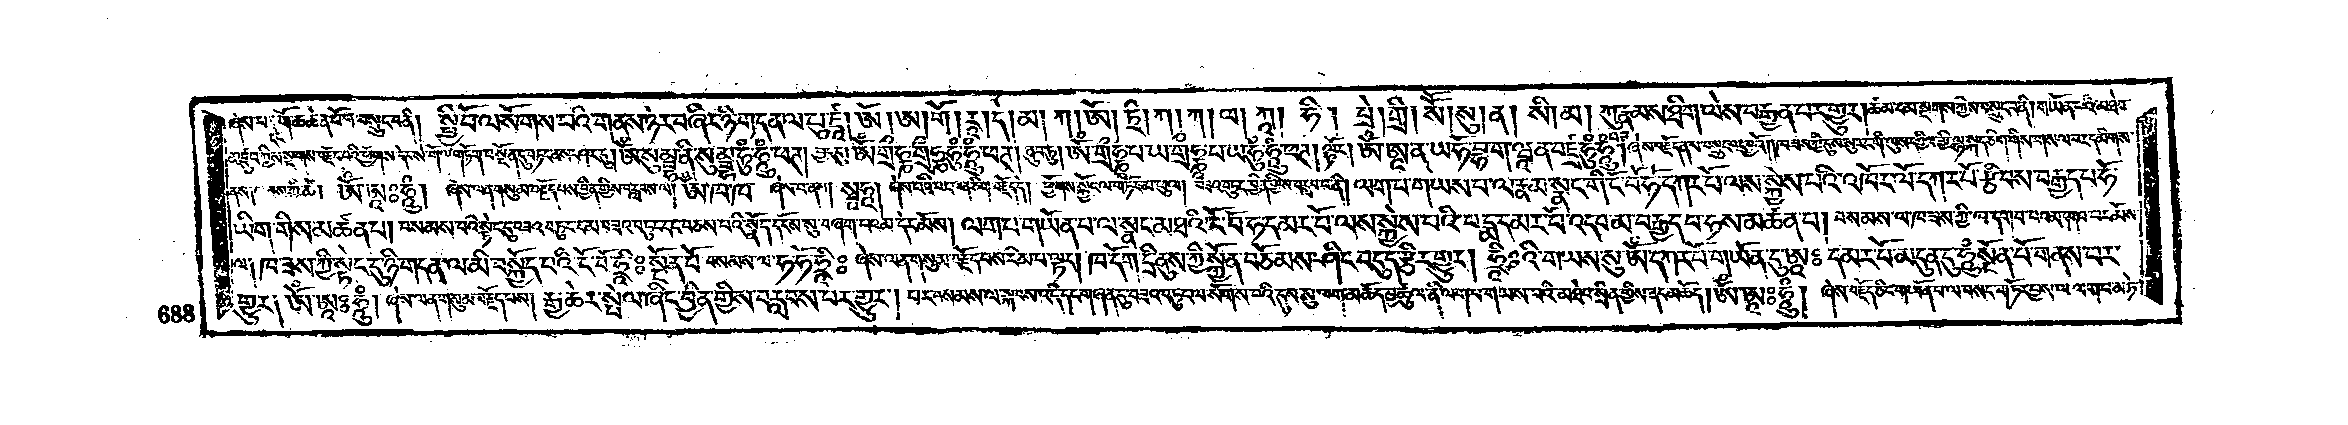ཞེས་པ་དང་གོ་ཆ་ཆེན་པོས་བསྲུང་བ་ནི།  སྤྱི་བོ་ལ་སོགས་པའི་གནས་ཉེར་བཞིར་ཉི་གདན་ལ་པུ་ཛཱ། ཨོ། ཨ། གོ །རཱ། དེ། མ། ཀ། ཨོ། ཏྲི། ཀ། ཀ། ལ། ཀཱ། ཧི། པྲེ། གྲི། སཽ། སུ། ན། སི། མ། ཀུ་རྣམས་ཐིག་ལེས་བརྒྱན་པར་གྱུར། ཚམ་ངམ་སྔགས་ཀྱིས་བསྲུང་བ་ནི། གཡོན་པའི་མཐེབ་
མཛུབ་ཀྱིས་སྔགས་བརྗོད་པའི་ཕྱོགས་དེར་ས་གོལ་གཏོག་པ་སྔོན་དུ་བཏང་ནས་ཤར་དུ། ཨོཾ་སུམྦྷ་ནི་སུམྦྷ་ཧུཾ་ཧཱུཾ་ཕཊ། བྱང་དུ།  ཨོཾ་གྲྀ་ཧྞ་གྲྀ་ཧྞ་ཧུཾ་ཧཱུཾ་ཕཊ། ནུབ་ཏུ།  ཨོཾ་གྲྀ་ཧྞཱ་པ་ཡ་གྲྀ་ཧྞཱ་པ་ཡ་ཧུཾ་ཧཱུཾ་ཕཊ། ལྷོར།  ཨོཾ་ཨཱ་ན་ཡ་ཧོ་བྷ་ག་ཝཱ་ན་བཛྲ་ཧུཾ་ཧཱུཾ་ཕཊ། ཞེས་བརྗོད་ནས་བསྲུང་བར་བྱའོ། །ཁ་ཟས་ཀྱི་དུས་སུ་རང་གི་ལུས་དཀྱིལ་གྱི་ལྷ་སྐད་ཅིག་གིས་གསལ་བར་དམིགས་
ནས། ཟླས་?་ཀྱི་ཚེ། ཨོཾ་ཨཱཿ ཧཱུཾ། ཞེས་ལན་གསུམ་བརྗོད་པས་བྱིན་གྱིས་བརླབས་ལ།  ཨོཾ་ཁ་ཁ་ཞེས་པ་ནས།  སྭཱཧཱ། ཞེས་པའི་བར་ལན་ཅིག་བརྗོད་དེ། ཕྱོགས་སྐྱོང་ལ་གཏོར་མ་ཕུལ། བཟའ་བཏུང་བྱིན་གྱིས་བརླབ་པ་ནི།  ལག་པ་གཡས་པ་ལ་རྣམ་སྣང་གི་ངོ་བོ་ཧོ་དཀར་པོ་ལས་སྐྱེས་པའི་འཁོར་ལོ་དཀར་པོ་རྩིབས་བརྒྱད་པ་ཧོ་
ཡིག་གིས་མཚན་པ། བསམས་པའི་སྟེང་དུ་བཟའ་བཏུང་ངམ་བཟའ་བཏུང་དང་བཅས་པའི་སྣོད་དངོས་སུ་བཞག་པའམ་དེར་མོས།  ལག་པ་གཡོན་པ་ལ་སྣང་མཐའི་ངོ་བོ་ཧ་དམར་པོ་ལས་སྐྱེས་པའི་པདམ་དམར་པོ་འདབ་མ་བརྒྱད་པ་ཧས་མཚན་པ། བསམས་ལ་ཁ་ཟས་ཀྱི་ཁ་དགབ་བའམ་དགབ་པར་མོས་
ལ། ཁ་ཟས་ཀྱི་སྟེང་དུ་ཉི་གདན་ལ་མི་བསྐྱོད་པའི་ངོ་བོ་ཧྲཱིཿ སྔོན་པོ་བསམས་ལ་ཧ་ཧོ་ཧྲཱིཿ ཞེས་ལན་གསུམ་བརྗོད་པས་རིམ་པ་ལྟར།  ཁ་དོག་དྲི་ནུས་ཀྱི་སྐྱོན་བཅོམས་ཤིང་བདུད་རྩིར་གྱུར། ཧྲཱིཿ འི་གཡས་སུ་ཨོཾ་དཀར་པོ་གཡོན་དུ་ཨཱཿ དམར་པོ་མདུན་དུ་ཧཱུཾ་སྔོན་པོ་གནས་པར་
གྱུར། ཨོཾ་ཨཱཿ ཧཱུཾ། ཞེས་ལན་གསུམ་བརྗོད་པས།  རྒྱ་ཆེར་སྤེལ་ཞིང་བྱིན་གྱིས་བརླབས་པར་གྱུར། པར་བསམས་ལ་སྐབས་འདི་དང་གཞན་དུ་བཟའ་བཏུང་ལ་སོགས་པའི་དུས་སུ་ལག་མཆོད་བྱ་ཚུལ་ནི་ལག་པ་གཡས་པའི་མཐེབ་སྲིན་གྱིས་ནང་མཆོད།  ཨོཾ་ཨཱཿ ཧཱུཾ། ཞེས་བརྗོད་ཅིང་གཡོན་པ་ལ་བསང་གཏོར་བྱས་ལ་ལག་པ་མཉེ་